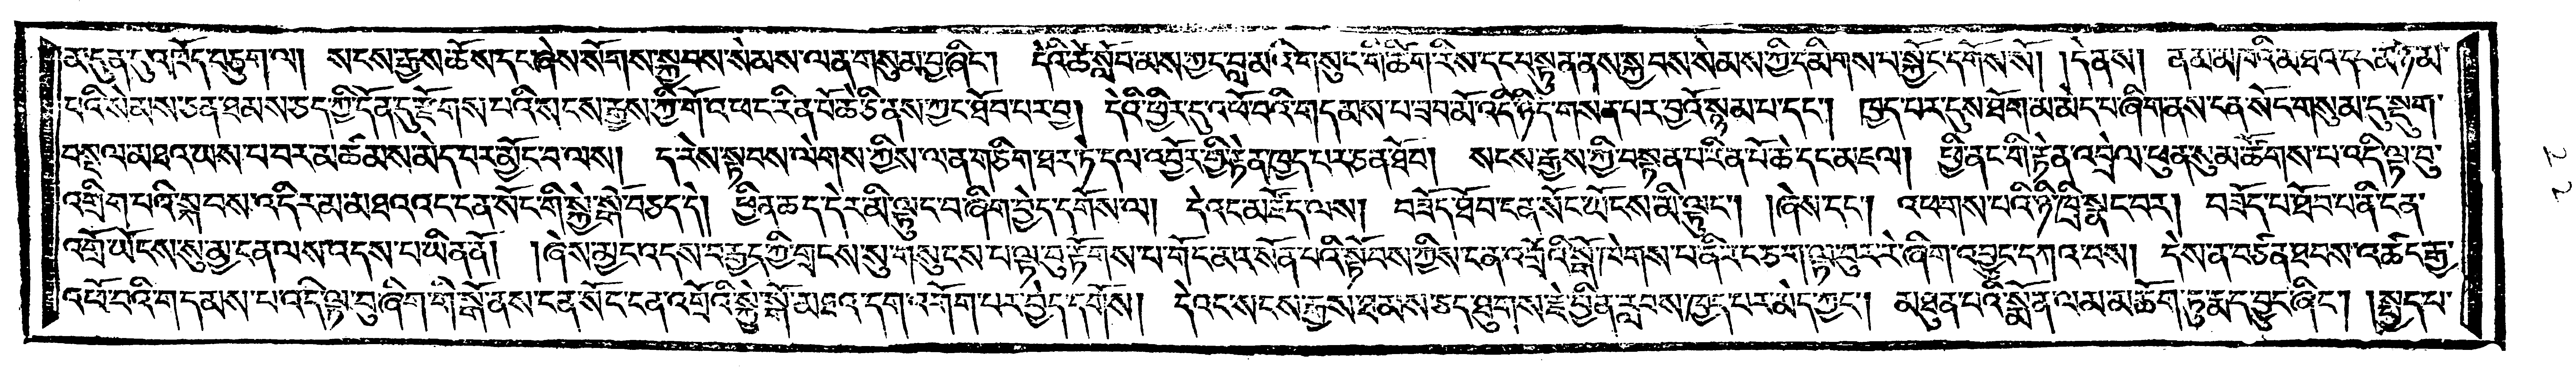མདུན་དུ་འཁོད་བཅུག་ལ། སངས་རྒྱས་ཆོས་དང་ཞེས་སོགས་སྐྱབས་སེམས་ལན་གསུམ་བྱ་ཞིང་། དེའི་ཚེ་སློབ་མས་ཀྱང་བླ་མའི་གསུང་གི་ཚིག་རིས་དང་བསྟུན་ནས་སྐྱབས་སེམས་ཀྱི་དམིགས་པ་སྐྱོང་དགོས་སོ། །དེ་ནས། ནམ་མཁའི་མཐའ་དང་མཉམ་
པའི་སེམས་ཅན་ཐམས་ཅད་ཀྱི་དོན་དུ་རྫོགས་པའི་སངས་རྒྱས་ཀྱི་གོ་འཕང་རིན་པོ་ཆེ་ཅི་ནས་ཀྱང་ཐོབ་པར་བྱ། དེའི་ཕྱིར་དུ་འཕོ་བའི་གདམས་པ་ཟབ་མོ་འདི་ཉིད་གསན་པར་བྱའོ་སྙམ་པ་དང་། ཁྱད་པར་དུས་ཐོག་མ་མེད་པ་ཞིག་ནས་ངན་སོང་གསུམ་དུ་སྡུག་
བསྔལ་མཐའ་ཡས་པ་བར་མཚམས་མེད་པར་མྱོང་བ་ལས། ད་རེས་སྟབས་ལེགས་ཀྱིས་ལན་གཅིག་ཐར་ཏེ་དལ་འབྱོར་གྱི་རྟེན་ཁྱད་པར་ཅན་ཐོབ། སངས་རྒྱས་ཀྱི་བསྟན་པ་རིན་པོ་ཆེ་དང་མཇུལ། ཕྱི་ནང་གི་རྟེན་འབྲེལ་ཕུན་སུམ་ཚོགས་པ་འདི་ལྟ་བུ་
འགྲིག་པའི་སྐབས་འདིར་མ་མཐའ་འང་ངན་སོང་གི་སྐྱེ་སྒོ་བཅད་དེ། ཕྱིན་ཆད་དེར་མི་ལྟུང་བ་ཞིག་བྱེད་དགོས་ལ། དེའང་མཛོད་ལས། བཟོད་ཐོབ་ངན་སོང་ཡོངས་མི་ལྟུང་། །ཞེས་དང་། འཕགས་པའི་ཉི་ཁྲི་སྣང་བར། བཟོད་པ་ཐོབ་པ་ནི་ངན་
འགྲོ་ཡོངས་སུ་མྱ་ངན་ལས་འདས་པ་ཡིན་ནོ། །ཞེས་མྱང་འདས་བརྒྱད་ཀྱི་གྲངས་སུ་གསུངས་པ་ལྟ་བུ་རྟོགས་པ་གོང་མར་སོན་པའི་སྟོབས་ཀྱིས་ངན་འགྲོའི་སྒོ་ཁེགས་པ་ནི་རང་ཅག་ལྟ་བུར་རེ་ཞིག་འབྱུང་དཀའ་བས། དེས་ན་བཙན་ཐབས་འཚང་རྒྱ་
འཕོ་བའི་གདམས་པ་འདི་ལྟ་བུ་ཞིག་གི་སྒོ་ནས་ངན་སོང་ངན་འགྲོའི་སྐྱེ་སྒོ་མཐའ་དག་འགོག་པར་བྱེད་དགོས། དེའང་སངས་རྒྱས་ཐམས་ཅད་ཐུགས་རྗེ་བྱིན་རླབས་ཁྱད་པར་མེད་ཀྱང་། མཐུན་པའི་སྨོན་ལམ་མཆོག་ཏུ་རྨད་བྱུང་ཞིང་། །སྤྱད་པ་